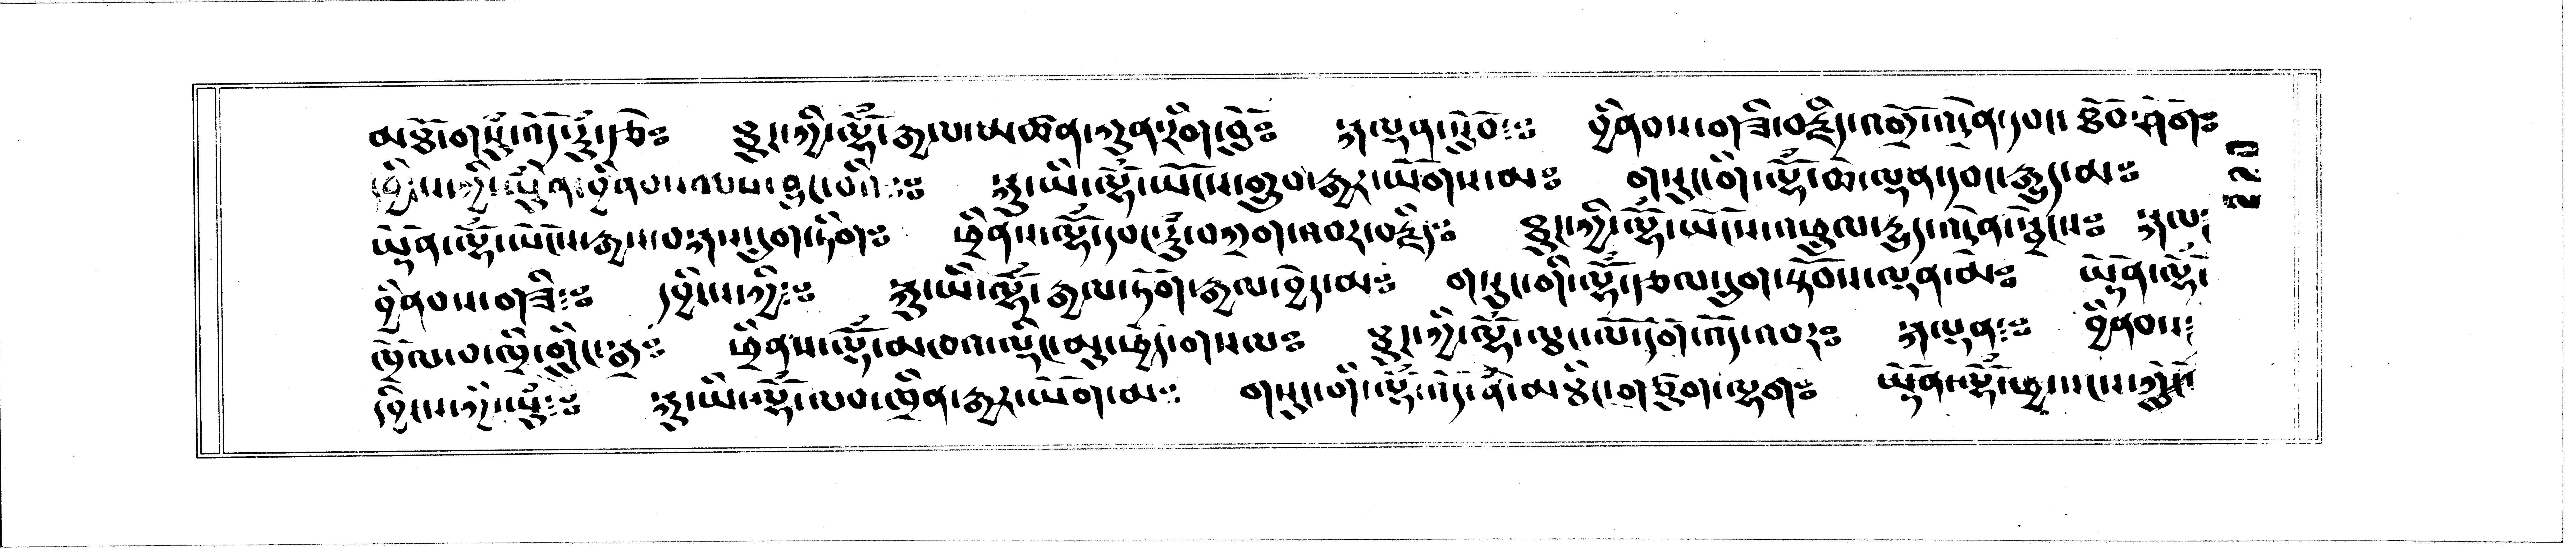མཐོ་གསུམ་འོད་རུམ་རྩེཿ ཐུགས་ཀྱི་ལྷ་མོ་རྒྱལ་མཚན་ཀུན་རིག་བློཿ སྐལ་ལྡན་སློབ་མ་རྣམས་ལ་དབང་བསྐུར་བསཿ བྱིན་རླབས་ཐུགས་རྗེ་འགྲོ་འདྲེན་དབང་ཐོབ་ཤོགཿ 
དབྱིངས་ཀྱི་ཡུམ་ཆེན་བྱིན་རླབས་ལས་བྱུང་བའིཿ སྐུ་ཡི་ལྷ་མོ ཡོངས་གྲུབ་རྒྱར་གཡོགས་མཿ གསུང་གི་ལྷ་མོ་ཆེ་ལྡན་དབང་རྒྱུད་མཿ 
ཡོན་ཏན་ལྷ་མོ་ཡོངས་རྒྱས་སྐོས་དྲུག་ཏིགཿ ཕྲིན་ལས་ཀྱི་ལྷ་མོ་དབལ་རུམ་བཀྲག་འབར་བརྗིདཿ ཐུགས་ཀྱི་ལྷ་མོ་ཡོངས་འཕྲུལ་རྒྱུད་འདྲེན་སྦྲེངཿ སྐལ་ལྡན་སློབ་མ་རྣམས་ལ་དབང་བསྐུར་བསཿ 
བྱིན་རླབས་ཐུགས་རྗེ་འགྲོ་འདྲེན་དབང་ཐོབ་ཤོགཿ དབྱིངས་ཀྱི་ཡུམ་ཆེན་བྱིན་རླབས་ལས་བྱུང་བའིཿ སྐུ་ཡི་ལྷ་མོ་རྒྱལ་ཏོག་རྒྱལ་བྱེད་མཿ གསུང་གི་ལྷ་མོ་རྩལ་དྲུག་སྟོབས་ལྡན་མཿ ཡོན་ཏན་ལྷ་མོ་
ཁྲོལ་བ་ཁྲི་ལིང་སྒྲཿ ཕྲིན་ལས་ལྷ་མོ་མཁའ་ལྡིང་མུ་ཕྱོད་གསལཿ ཐུགས་ཀྱི་ལྷ་མོ་ལྕང་ལོ་ཐོག་འོད་འབརཿ སྐལ་ལྡན་སློབ་མ་རྣམས་ལ་དབང་བསྐུར་བསཿ བྱིན་རླབས་ཐུགས་རྗེ་འགྲོ་འདྲེན་དབང་ཐོབ་ཤོགཿ 
དབྱིངས་ཀྱི་ཡུམ་ཆེན་བྱིན་རླབས་ལས་བྱུང་བའིཿ སྐུ་ཡི་ལྷ་མོ་ལབ་ཁྲིན་རྒྱར་གཡོགས་མཿ གསུང་གི་ལྷ་མོ་འོད་ནམ་མཐིང་གཙུག་ལྷགཿ ཡོན་ཏན་ལྷ་མོ་ཕྱ་སངས་ཀློང་